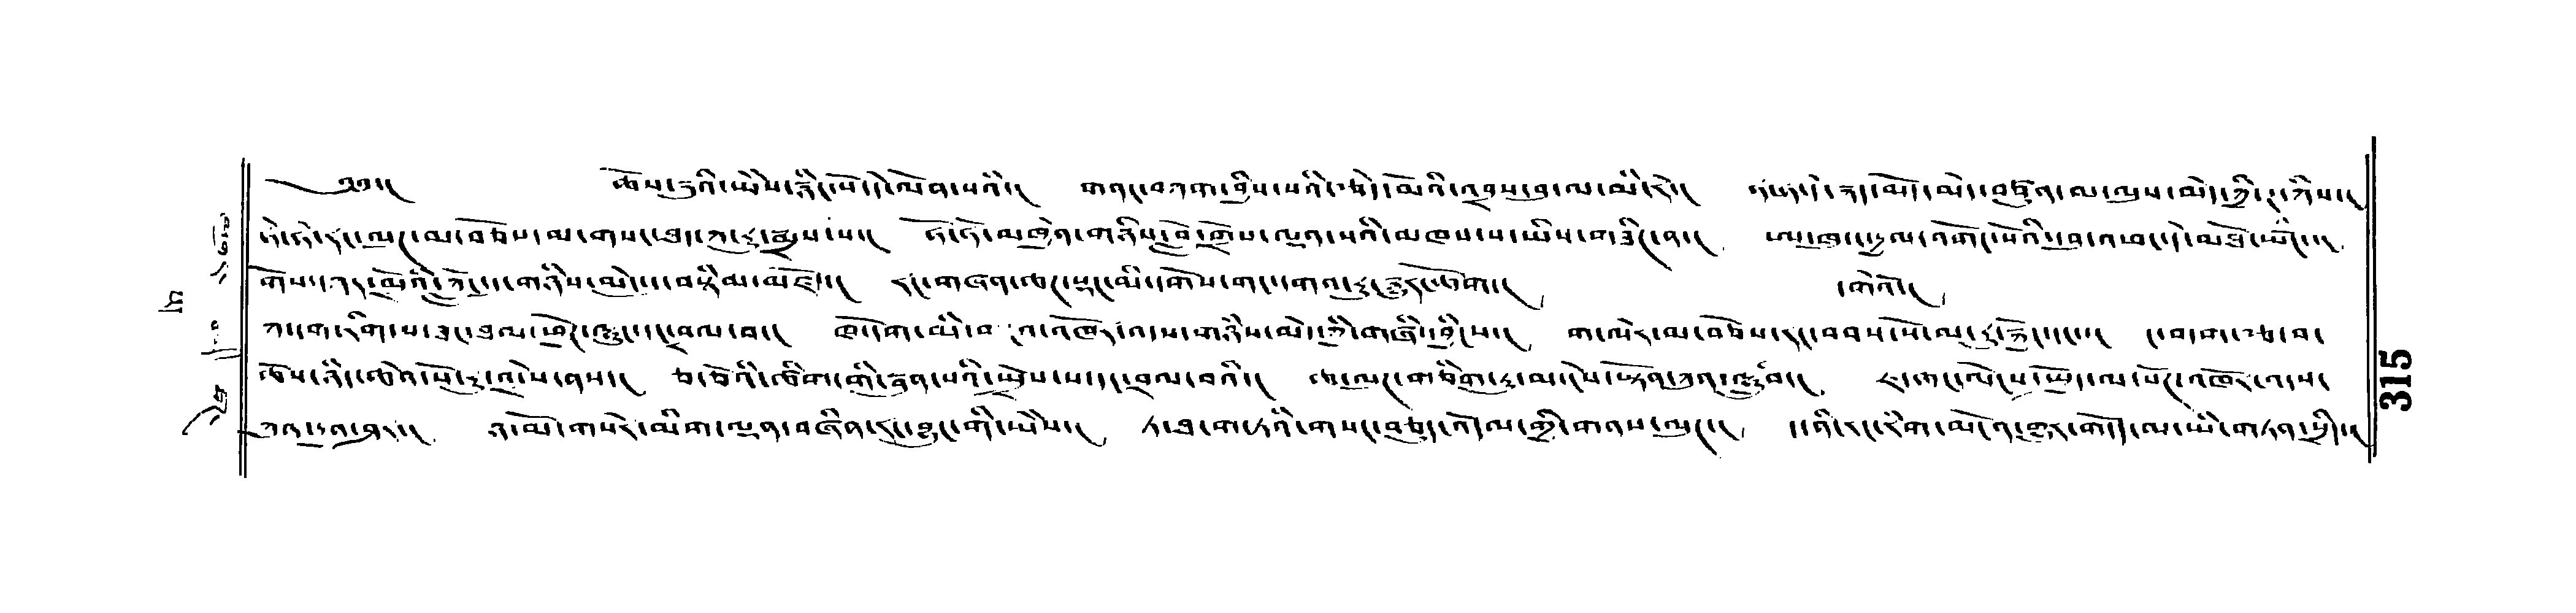ཆོས་སྐུའི་ཡེ་ཤེས་སྙིང་པོ་དེ་ལོན་པའི། །གནང་བཀག་བྱིས་པའི་རྩེད་མོའི་འབྲས་བུ་ལ་མི་རེ། །ཧ་ཧ། དེ་སྐད་མདོ་མེད་བཙུན་མ་ལུས་མེད་ཀྱི་ཌཱ་ཀིས། 
ཧེ་ཧེ། རང་ལུགས་མ་བཅོས་མ་གསང་ཐད་ཀ་རུ་སྨྲས་པ། ཧོ་ཧོ། མཁྱེན་གཉིས་བློ་གྲོས་ལྡན་པའི་མཁས་པ་ཡིས་གཟིགས་ན། །ཨ་ཁུ་ང་རྒྱལ་འགོང་པོའི་དབུ་འཕང་དེ་མཐོ་ཡོང་། །
གོས་དཀར་མཁའ་འགྲོའི་ཀློང་དུ་གཉིས་མེད་དུ་བསྟིམ་མཛོད། །རང་གཞན་ཆགས་སྡང་མི་དགོས་གང་དགའ་རུ་སྐྱུར་ཆོག དགེའོ།། 
ཀ་དག་རིག་པ་ཟང་ཐལ་ཕྱོགས་ལྷུང་དང་བྲལ་བ། ཁ་དོག་མི་མངའ་འཁོར་འདས་གཉིས་མེད་ཀྱི་གཞི་དབྱིངས། །ག་ལེར་མ་བཅོས་རང་བབས་སོ་མ་རུ་སྐྱོངས་དང་། །ང་བདག་རྩ་བ་
ཆོས་ཉིད་ཆེན་པོ་རུ་འདྲེས་ནས། །ཅ་ཅོའི་ཚིག་གི་སྦུན་པའི་སྤྲོས་པ་དང་བྲལ་བའི། །ཆ་ལུགས་གཅིག་ཏུ་མ་ངེས་ཡོན་ཏན་ཀུན་ལྷུན་གྲུབ། །ཇ་ཆང་ལོངས་སྤྱོད་ལ་སོགས་འཁོར་འདས་
ཀུན་རྒྱན་ཤར། །ཉ་མོ་གསེར་མིག་ལྡན་བཞིན་རང་བྱུང་གི་ཡེ་ཤེས། །ཏ་ཐ་ག་ཏའི་གསང་བཅུད་འོད་གསལ་གྱི་གནས་ལུགས། །ད་ནི་རང་རིག་མངོན་གྱུར་གདོད་མ་ཡི་གཏན་སྲིད།